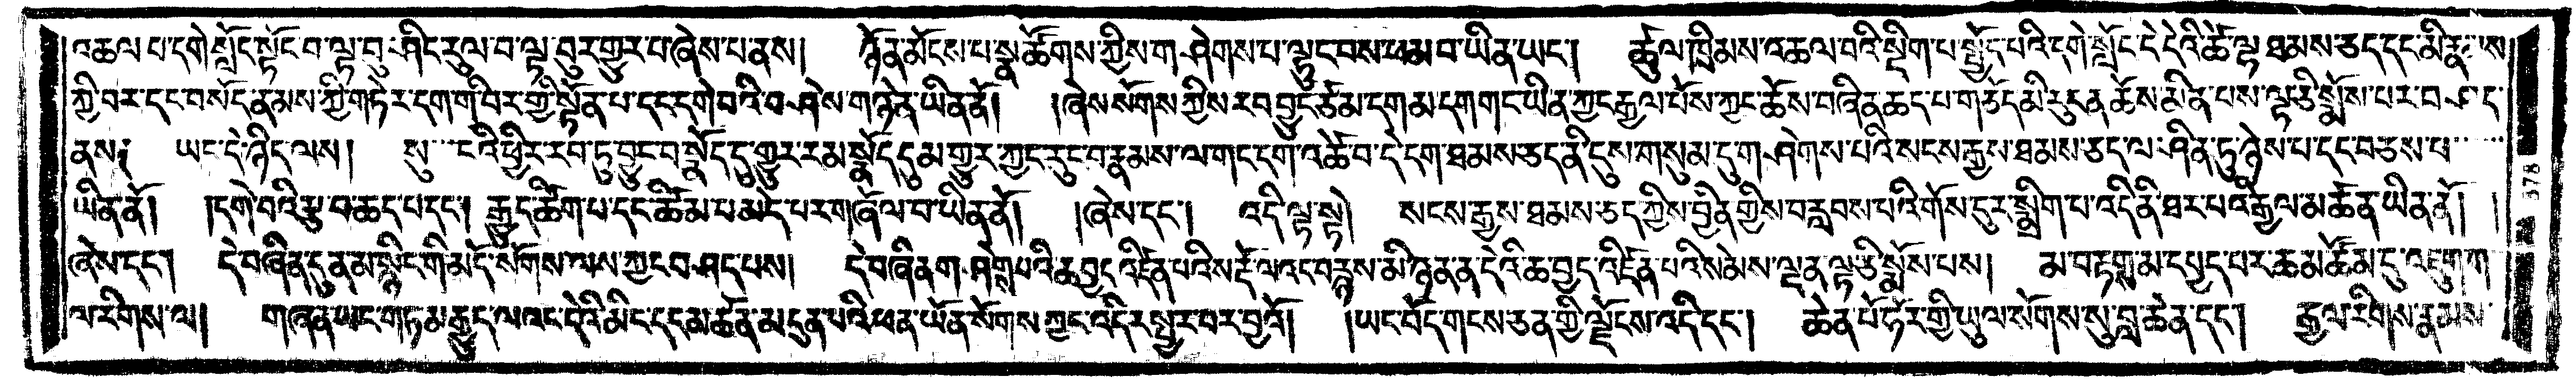འཆལ་བ་དགེ་སོང་བ་ལྟ་བུ་ཤིང་རུལ་བ་ལྟ་བུར་གྱུར་བཞེས་པ་ནས། ཉོན་མོངས་པ་སྣ་ཚོགས་ཀྱིས་གཤེགས་པ་ལྟུང་བས་ཕམ་པ་ཡིན་ཡང་། ཚུལ་ཁྲིམས་འཆལ་བའི་སྡིག་པ་སྤྱོད་པའི་དགེ་སློང་དེ་དེའི་ཚེ་ལྷ་ཐམས་ཅད་དང་མི་རྣམས་
ཀྱི་བར་དང་བསོད་ནམས་ཀྱི་གཏེར་དག་གི་བར་གྱི་སྟོན་པ་དང་དགེ་བའི་བཤེས་གཉེན་ཡིན་ནོ། །ཞེས་སོགས་ཀྱིས་རབ་བྱུང་ཙམ་དག་མ་དག་གང་ཡིན་ཀྱང་རྒྱལ་པོས་ཀྱང་ཆོས་བཞིན་ཆད་པ་གཅོད་མི་རུ་ངན་ཆོས་མིན་པས་ལྟ་ཅི་སྨོས་པར་བཤད་
ནས། ཡང་དེ་ཉིད་ལས། སུ་ངའི་ཕྱིར་རབ་ཏུ་བྱུང་བསྣོད་དུ་གྱུར་རམ་སྣོད་དུམ་གྱུར་ཀྱང་རུང་བ་རྣམས་ལ་གང་དག་འཚེ་བ་དེ་དག་ཐམས་ཅད་ནི་དུས་གསུམ་དུ་གཤེགས་པའི་སངས་རྒྱས་ཐམས་ཅད་ལ་ཤིན་ཏུ་ཤེས་པ་དང་བཅས་པ་
ཡིན་ནོ། །དགེ་བའི་རྩ་བ་ཆད་པ་དང་། རྒྱུད་ཚིག་པ་དང་ཚིམ་པ་མེད་པར་གཞོལ་བ་ཡིན་ནོ། །ཞེས་དང་། འདི་ལྟ་སྟེ། སངས་རྒྱས་ཐམས་ཅད་ཀྱིས་བྱིན་གྱིས་བརླབས་པའི་གོས་ངུར་སྨྲིག་པ་འདི་ནི་ཐར་པའི་རྒྱལ་མཚན་ཡིན་ནོ། །
ཞེས་དང་། དེ་བཞིན་དུ་ནམ་སྙིང་གི་མདོ་སོགས་ལས་ཀྱང་བཤད་པས། དེ་བཞིན་གཤེགས་པའི་ཆ་བྱང་འཛིན་པའི་ས་རྡོ་ལའང་བརྙས་མི་ཉན་ན་དེའི་ཆ་བྱད་འཛིན་པའི་སེམས་ལྡན་ལྟ་ཅི་སྨོས་པས། མ་བརྟགས་མ་དཔྱད་པར་ཆ་མཚོམ་དུ་འདུག་ཀ་
ལ་རིགས་ལ། གཞན་ཡང་གཏམ་རྒྱུད་ལའང་དེའི་མིང་དང་མཆོན་མདུན་པའི་ཕན་ཡོན་སོགས་ཀྱང་འདིར་སྤྱར་བར་བྱའོ། །ཡང་བོད་གངས་ཅན་གྱི་ལྗོངས་འདི་དང་། ཆེན་པོ་ཧོར་གྱི་ཡུལ་སོགས་སུ་བླ་ཆེན་དང་། རྒྱལ་རིགས་རྣམས་